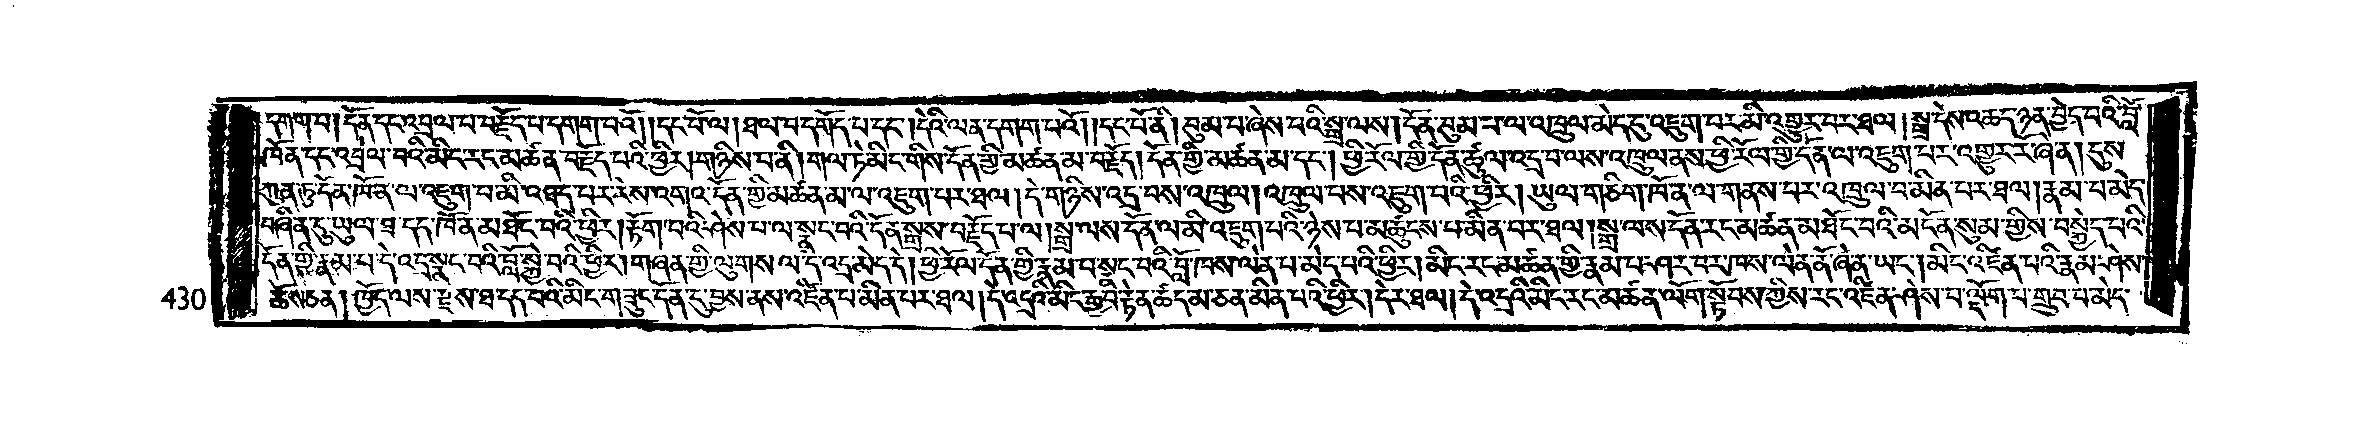དགག་པ། དོན་དང་འབྲལ་པ་བརྗོད་པ་དགག་པའོ། །དང་པོ་ལ། ཐལ་བ་དགོད་པ་དང་། དེའི་ལན་དགག་པའོ། །དང་པོ་ནི། བུམ་པ་ཞེས་པའི་སྒྲ་ལས། དོན་བུམ་པ་ལ་འཁྲུལ་མེད་དུ་འཇུག་པར་མི་འགྱུར་བར་ཐལ། སྒྲ་དེས་འཆད་ཉན་བྱེད་པའི་བློ་
ཁོ་ན་དང་འབྲེལ་བའི་མིང་རང་མཚན་བརྗོད་པའི་ཕྱིར། གཉིས་པ་ནི། གལ་ཏེ་མིང་གིས་དོན་གྱི་མཚན་མ་བརྗོད། དོན་གྱི་མཚན་མ་དང་། ཕྱི་རོལ་གྱི་དོན་ཚུལ་འདྲ་བ་ལས་འཁྲུལ་ནས་ཕྱི་རོལ་གྱི་དོན་ལ་འཇུག་པར་འགྱུར་རོ་ཞེ་ན། དུས་
ཀུན་ཏུ་དོན་ཁོ་ན་ལ་འཇུག་པ་མི་འཐད་པར་རེས་འགའ་དོན་གྱི་མཚན་མ་ལ་འཇུག་པར་ཐལ། དེ་གཉིས་འདྲ་བས་འཁྲུལ། འཁྲུལ་པས་འཇུག་པའི་ཕྱིར། ཡུལ་གཅིག་ཁོ་ན་ལ་གནས་པར་འཁྲུལ་བ་མིན་པར་ཐལ། རྣམ་པ་མེད་
བཞིན་དུ་ཡུལ་ཐ་དད་ཁོ་ན་མཐོང་བའི་ཕྱིར། རྟོག་པའི་ཤེས་པ་ལ་སྣང་བའི་དོན་སྒྲས་བརྗོད་པ་ལ། སྒྲ་ལས་དོན་ལ་མི་འཇུག་པའི་ཉེས་པ་མཚུངས་པ་མིན་པར་ཐལ། སྒྲ་ལས་དོན་རང་མཚན་མཐོང་བའི་མངོན་སུམ་གྱིས་བསྐྱེད་པའི་
དོན་གྱི་རྣམ་པ་དེ་འདྲ་སྣང་བའི་བློ་སྐྱེ་བའི་ཕྱིར། གཞན་གྱི་ལུགས་ལ་དེ་འདྲ་མེད་དེ། ཕྱི་རོལ་དོན་གྱི་རྣམ་པ་སྣང་བའི་བློ་ཁས་ལེན་པ་མེད་པའི་ཕྱིར། མིང་རང་མཚན་གྱི་རྣམ་པ་ཤར་བར་ཁས་ལེན་ནོ་ཞེ་ན་ཡང་། མིང་འཛིན་པའི་རྣམ་ཤེས་
ཆོས་ཅན། ཁྱོད་ལས་རྫས་ཐ་དད་པའི་མིང་གཟུང་དོན་དུ་བྱས་ནས་འཛིན་པ་མིན་པར་ཐལ། དེ་འདྲའི་མིང་རྒྱབ་རྟེན་ཚད་མ་ཅན་མིན་པའི་ཕྱིར། དེར་ཐལ། དེ་འདྲའི་མིང་རང་མཚན་ལོག་སྟོབས་ཀྱིས་རང་འཛིན་ཤེས་པ་ལྡོག་པ་གྲུབ་པ་མེད་